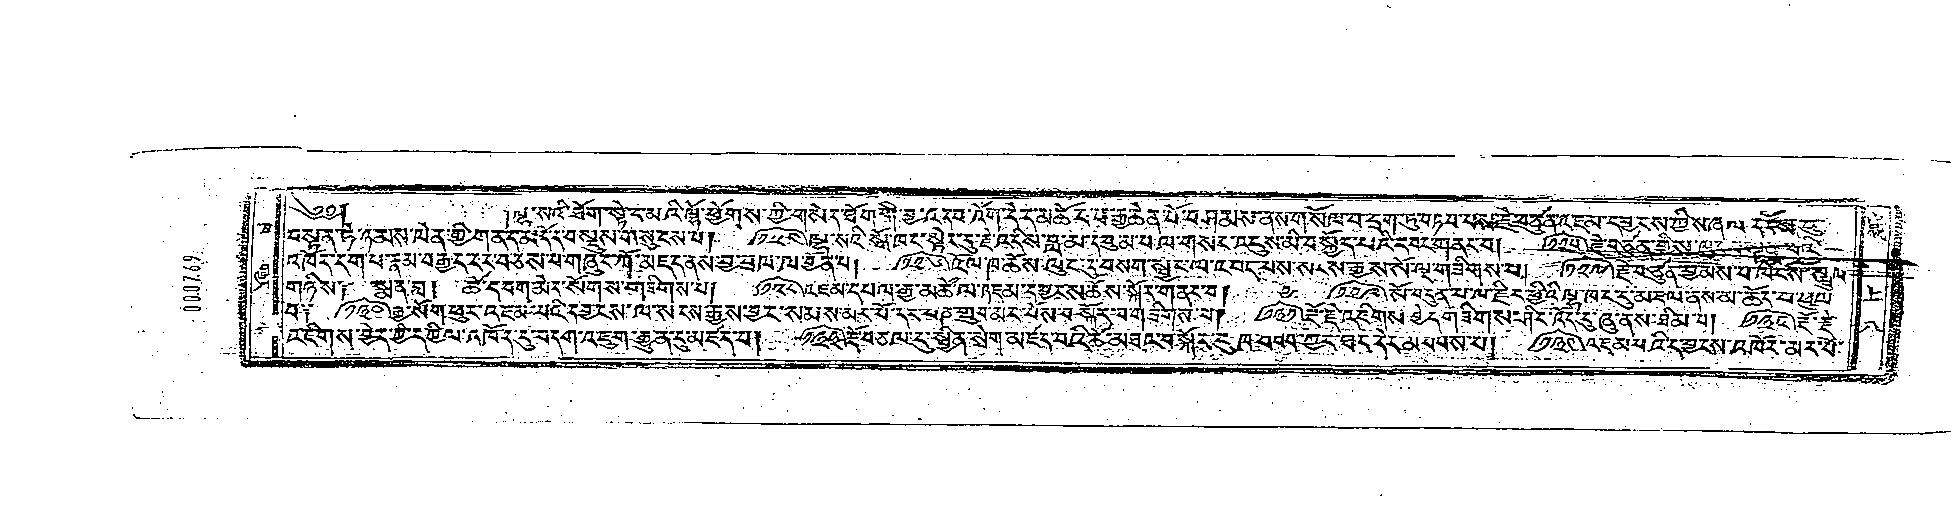༄༅། །ལྷ་སའི་ཐོག་སྟེང་མའི་ལྷོ་ཕྱོགས་ཀྱི་གསེར་ཐོག་གི་བྱ་འདབ་འོག་དེར་མཆོད་པ་རྒྱ་ཆེན་པོ་བཤམས་ནས་གསོལ་བ་དྲག་ཏུ་བཏབ་པས་རྗེ་བཙུན་འཇམ་དབྱངས་ཀྱིས་ཞལ་དངོས་སུ་
བསྟན་ཏེ་ཉམས་ལེན་གྱི་གནང་མདོར་བསྡུས་གསུངས་པ། ༼༡༢༤?་ལྷ་སའི་སྒོ་ཁང་སྟེང་དུ་རྗེ་འདིས་བླ་མ་དབུ་མ་པ་ལ་གསང་འདུས་མི་བསྐྱོད་པའི་དབང་གནང་བ། ༽༡༢༥?་རྗེ་བཙུན་གྱིས་ལུང་བསྟན་པའི་
འཁོར་དག་པ་རྣམ་བརྒྱད་དང་བཅས་པ་གཞུང་ཀོ་མཛད་ནས་བྱ་བྲལ་ལ་བྱོན་པ། ༼༡༢༦?་འོལ་ཁ་ཆོས་ལུང་དུ་བསག་སྦྱང་ལ་འབང་པས་སངས་རྒྱས་སོ་ལྔ་གཟིགས་པ། ༽༡༢༧?་རྗེ་བཙུན་བྱམས་པ་ལོངས་སྤྲུལ་
གཉིས༑ སྨན་བླ། ཚེ་དབག་མེད་སོགས་གཟིགས་པ། ༼༡༢༨?་འཇམ་དཔལ་རྒྱ་མཚོ་ལ་འཇམ་དབྱངས་ཆོས་སྐོར་གནང་བ། ༧་༽༡༢༩?་སོ་བདུན་པ་ལ་རྗིང་ཕྱིའི་ལྷ་ཁང་དུ་མཇལ་ནས་མ་ཆོད་པ་ཕུལ་
བ༑ ༼༡༣༠?་རྒྱ་སོག་ཕུར་འཇམ་པའི་དབྱངས་ལ་སངས་རྒྱས་བྱང་སམས་མང་པོ་དང་པཎ་གྲུབ་མང་པོས་བསྐོར་བ་གཟིགས་པ། ༽༡༣༡?་རྡོ་རྗེ་འཇིགས་བྱེད་གཟིགས་ཤིང་འོད་དུ་ཞུ་ནས་ཐིམ་པ། ༡༣༢?་རྡོ་རྗེ་
འཇིགས་བྱེད་ཀྱི་དཀྱིལ་འཁོར་དུ་བདག་འཇུག་རྒྱུན་དུ་མཛད་པ། ༼༡༣༣?་རྡོ་བཅལ་དུ་སྦྱིན་སྲེག་མཛད་བའི་ཆེ་མཐའ་བསྐོར་དུ་ཁབ་བབ་ཀྱང་ཐང་དེར་མ་བབས་པ། ༽༡༣༤?་འཇམ་པའི་དབྱངས་འཁོར་མང་པོ་